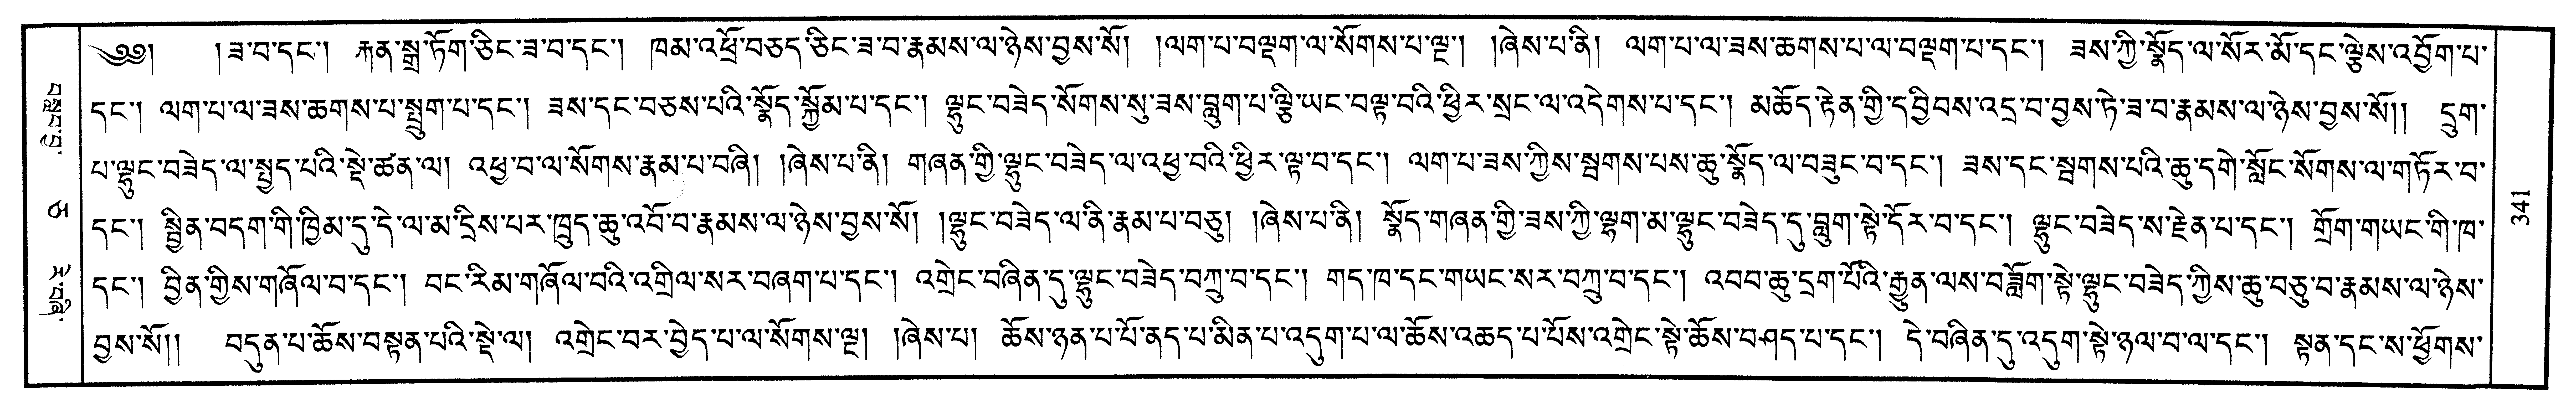༄༅། །ཟ་བ་དང་། རྐན་སྒྲ་ཏོག་ཅིང་ཟ་བ་དང་། ཁམ་འཕྲོ་བཅད་ཅིང་ཟ་བ་རྣམས་ལ་ཉེས་བྱས་སོ། །ལག་པ་བལྡག་ལ་སོགས་པ་ལྔ། །ཞེས་པ་ནི། ལག་པ་ལ་ཟས་ཆགས་པ་ལ་བལྡག་པ་དང་། ཟས་ཀྱི་སྣོད་ལ་སོར་མོ་དང་ལྕེས་འབྱོག་པ་
དང་། ལག་པ་ལ་ཟས་ཆགས་པ་སྤྲུག་པ་དང་། ཟས་དང་བཅས་པའི་སྣོད་སྐྱོམ་པ་དང་། ལྷུང་བཟེད་སོགས་སུ་ཟས་བླུག་པ་ལྕི་ཡང་བལྟ་བའི་ཕྱིར་སྲང་ལ་འདེགས་པ་དང་། མཆོད་རྟེན་གྱི་དབྱིབས་འདྲ་བ་བྱས་ཏེ་ཟ་བ་རྣམས་ལ་ཉེས་བྱས་སོ།། དྲུག་
པ་ལྷུང་བཟེད་ལ་སྤྱད་པའི་སྡེ་ཚན་ལ། འཕྱ་བ་ལ་སོགས་རྣམ་པ་བཞི། །ཞེས་པ་ནི། གཞན་གྱི་ལྷུང་བཟེད་ལ་འཕྱ་བའི་ཕྱིར་ལྟ་བ་དང་། ལག་པ་ཟས་ཀྱིས་སྦགས་པས་ཆུ་སྣོད་ལ་བཟུང་བ་དང་། ཟས་དང་སྦགས་པའི་ཆུ་དགེ་སློང་སོགས་ལ་གཏོར་བ་
དང་། སྦྱིན་བདག་གི་ཁྱིམ་དུ་དེ་ལ་མ་དྲིས་པར་ཁྲུད་ཆུ་འབོ་བ་རྣམས་ལ་ཉེས་བྱས་སོ། །ལྷུང་བཟེད་ལ་ནི་རྣམ་པ་བཅུ། །ཞེས་པ་ནི། སྣོད་གཞན་གྱི་ཟས་ཀྱི་ལྷག་མ་ལྷུང་བཟེད་དུ་བླུག་སྟེ་དོར་བ་དང་། ལྷུང་བཟེད་ས་རྗེན་པ་དང་། གྲོག་གཡང་གི་ཁ་
དང་། བྱིན་གྱིས་གཞོལ་བ་དང་། བང་རིམ་གཞོལ་བའི་འགྲིལ་སར་བཞག་པ་དང་། འགྲེང་བཞིན་དུ་ལྷུང་བཟེད་བཀྲུ་བ་དང་། གད་ཁ་དང་གཡང་སར་བཀྲུ་བ་དང་། འབབ་ཆུ་དྲག་པོའི་རྒྱུན་ལས་བཟློག་སྟེ་ལྷུང་བཟེད་ཀྱིས་ཆུ་བཅུ་པ་རྣམས་ལ་ཉེས་
བྱས་སོ།། བདུན་པ་ཆོས་བསྟན་པའི་སྡེ་ལ། འགྲེང་བར་བྱེད་པ་ལ་སོགས་ལྔ། །ཞེས་པ། ཆོས་ཉན་པ་པོ་ནད་པ་མིན་པ་འདུག་པ་ལ་ཆོས་འཆད་པ་པོས་འགྲེང་སྟེ་ཆོས་བཤད་པ་དང་། དེ་བཞིན་དུ་འདུག་སྟེ་ཉལ་བ་ལ་དང་། སྟན་དང་ས་ཕྱོགས་